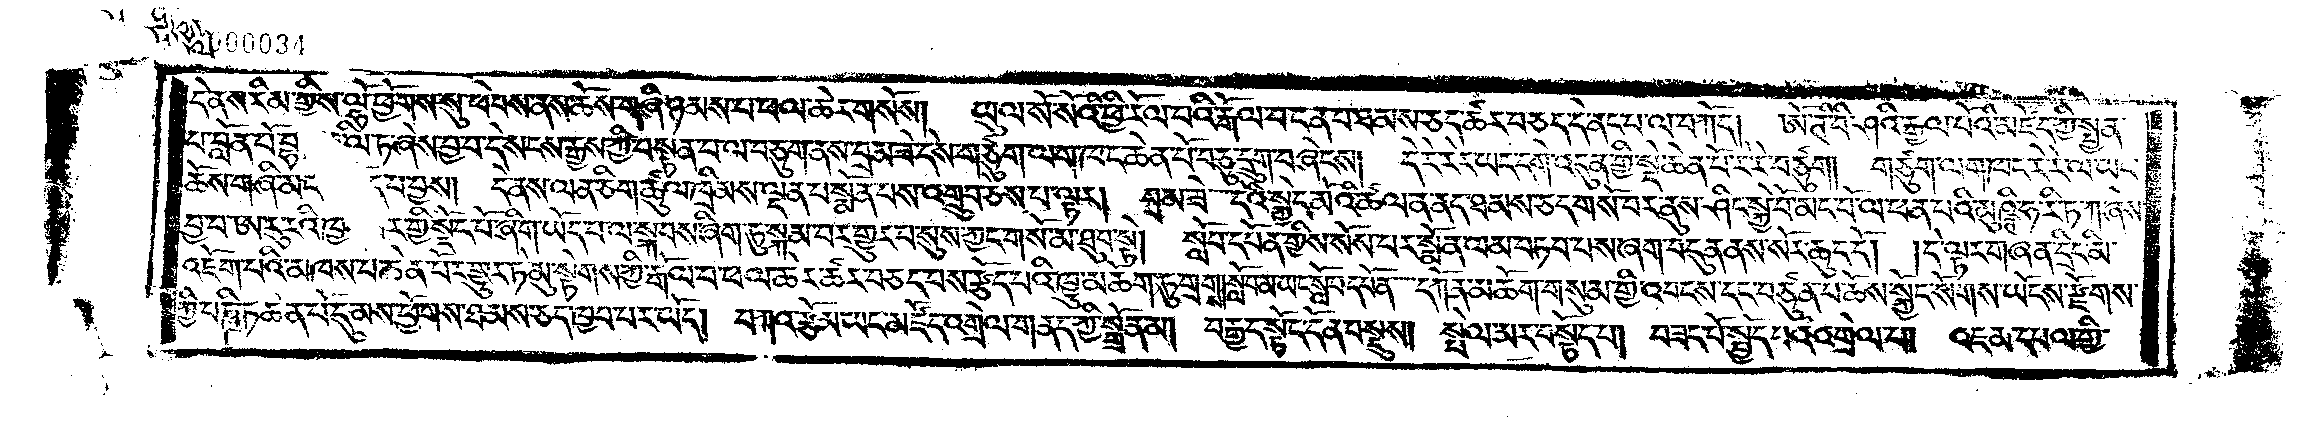དེ་ནས་རིམ་གྱིས་ལྷོ་ཕྱོགས་སུ་ཕེབས་ནས་ཆོས་གཞི་ཉམས་པ་ཕལ་ཆེར་གསོས། ཡུལ་སོ་སོའི་ཕྱི་རོལ་བའི་རྒོལ་བ་ངན་པ་ཐམས་ཅད་ཚར་བཅད་དེ་ནང་པ་ལ་བཀོད། ཨོ་ཊི་བི་ཤའི་རྒྱལ་པོའི་མཛོད་ཀྱི་སྤྱན་
པ་བློན་པོ་བྷ་ཏྲ་བྷ་ལི་ཏ་ཞེས་བྱ་བ་དེ་སངས་རྒྱས་ཀྱི་བསྟན་པ་ལ་བཅུག་ནས་བྲམ་ཟེ་དེས་གཙུག་ལག་ཁང་ཆེན་པོ་བཅུ་དྲུག་བཞེངས། དེ་རེ་རེར་ཡང་དགེ་འདུན་གྱི་སྡེ་ཆེན་པོ་རེ་རེ་བཙུག། གཙུག་ལག་ཁང་རེ་རེ་ལ་ཡང་
ཆོས་གཞི་མང་པོ་ཡོད་པ་བྱས། དེ་ནས་ལན་ཅིག་ཚུལ་ཁྲིམས་ལྡན་པ་སྨོན་པས་འགྲུབ་ཅེས་པ་ལྟར། བྲམ་ཟེ་དེའི་སྐྱེད་མོའི་ཚལ་ན་ནད་ཐམས་ཅད་གསོ་བར་ནུས་ཤིང་སྐྱེ་བོ་མང་པོ་ལ་ཕན་པའི་མུཥྚི་ཧ་རི་ཏ་ཀ་ཞེས་
བྱ་བ་ཨུ་རུ་རའི་ཁྱད་པར་གྱི་སྡོང་པོ་ཞིག་ཡོད་པ་ལ་སྐབས་ཞིག་ཏུ་སྐམ་བར་གྱུར་པ་སུས་ཀྱང་གསོ་མ་ཐུབ་སྟེ། སློབ་དཔོན་གྱིས་སོས་པར་སྨོན་ལམ་བཏབ་པས་ཞག་བདུན་ནས་སོར་ཆུང་དོ། །དེ་ལྟར་གཞན་དྲིང་མི་
འཇོག་པའི་མཁས་པ་ཆེན་པོར་གྱུར་ཏེ་མུ་སྟེགས་ཀྱི་རྒོལ་བ་ཕལ་ཆེར་ཚར་བཅད་པས་རྩོད་པའི་ཁྱུ་མཆོག་ཏུ་གྲགས། སློབ་མ་ཡང་སློབ་དཔོན་དཀོན་མཆོག་གསུམ་གྱི་འབངས་དང་བཙུན་པ་ཆོས་སྐྱོང་སོགས་ཡོངས་རྫོགས་
ཀྱི་པཎྜི་ཏ་ཆེན་པོ་དུ་མས་ཕྱོགས་ཐམས་ཅད་ཁྱབ་པར་ཡོད། བཀའ་རྩོམ་ཡང་མཛོད་འགྲེལ་གནད་ཀྱི་སྒྲོན་མ། བརྒྱད་སྟོད་དོན་བསྡུས། སྤེལ་མར་བསྟོད་པ། བཟང་པོ་སྤྱོད་བའི་འགྲེལ་པ། འཇམ་དཔལ་གྱི་